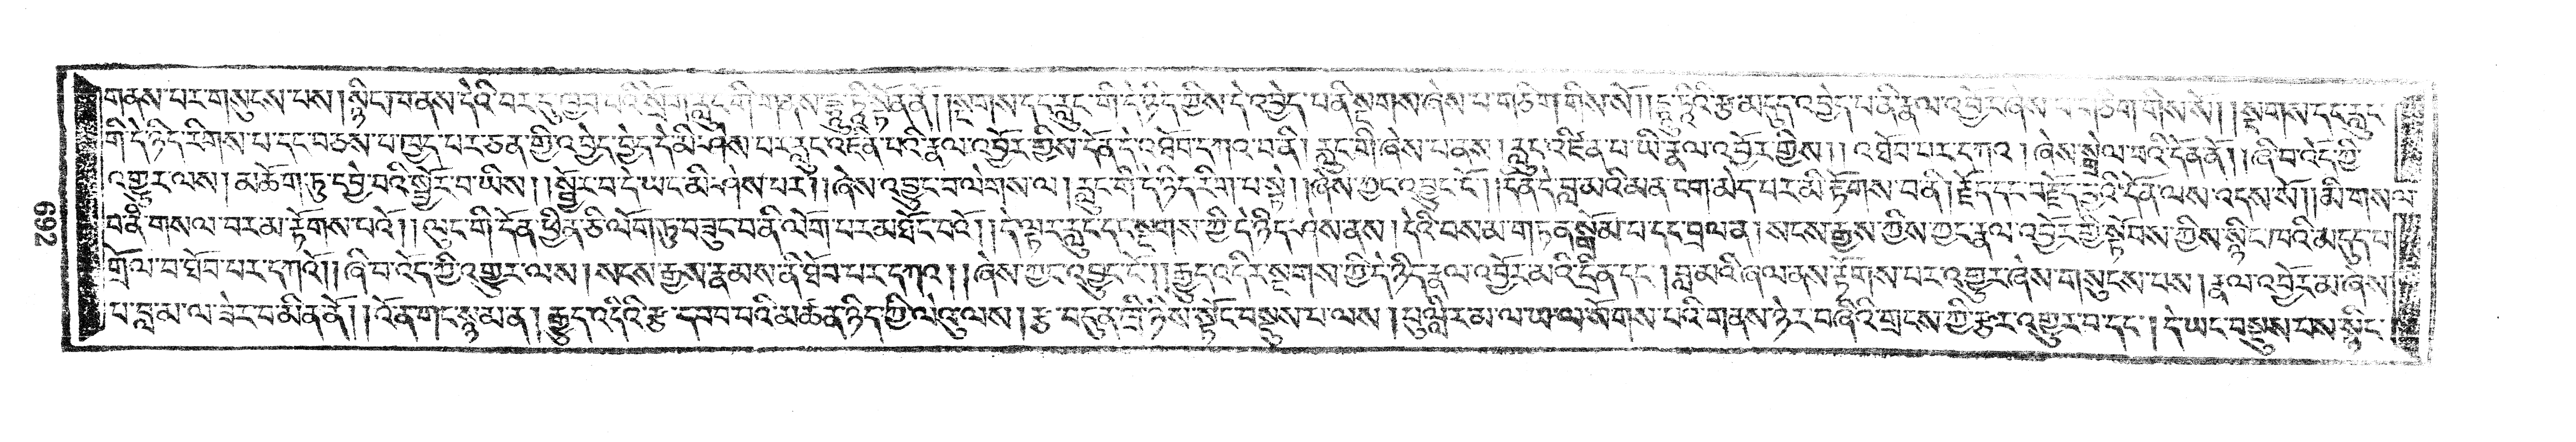གནས་པར་གསུངས་པས། སྙིང་ཁ་ནས་དེའི་བར་དུ་ཁྱབ་པའི་སྲོག་རླུང་གི་གནས་དྷཱུ་ཏཱི་སྟོན་ནོ། །སྔགས་དང་རླུང་གི་དེ་ཉིད་ཀྱིས་དེ་འབྱེད་པ་ནི་སྔགས་ཞེས་པ་གཅིག་གིས་སོ། །དྷཱུ་ཏཱིའི་རྩ་མདུད་འབྱེད་པ་ནི་རྣལ་འབྱོར་ཞེས་པ་གཅིག་གིས་སོ། །སྔགས་དང་རླུང་
གི་དེ་ཉིད་རིགས་པ་དང་བཅས་པ་ཁྱད་པར་ཅན་གྱི་འབྱེད་བྱེད་དེ་མི་ཤེས་པར་རླུང་འཛིན་པའི་རྣལ་འབྱོར་གྱིས་དོན་དེ་འཐོབ་དཀའ་བ་ནི། རླུང་གི་ཞེས་པ་ནས། རླུང་འཛིན་པ་ཡི་རྣལ་འབྱོར་གྱིས། །འཐོབ་པར་དཀའ། ཞེས་སྦྲེལ་བའི་དོན་ནོ། །ཞི་བ་འོད་ཀྱི་
འགྱུར་ལས། མཆོག་ཏུ་དབྱེ་བའི་སྦྱོར་བ་ཡིས། །སྦྱོར་བ་དེ་ཡང་མི་ཤེས་པར། །ཞེས་འབྱུང་བ་ལེགས་ལ། རླུང་གི་དེ་ཉིད་རིག་པ་སྟ། །ཞེས་ཀྱང་འབྱུང་ངོ། །དོན་དེ་བླ་མའི་མན་ངག་མེད་པར་མི་རྟོགས་པ་ནི། རྗོད་དང་བརྗོད་བྱའི་དོན་ལས་འདས་སོ། །མི་གསལ་
བ་ནི་གསལ་བར་མ་རྟོགས་པའོ། །ལུང་གི་དོན་ཕྱིན་ཅི་ལོག་ཏུ་བཟུང་བ་ནི་ལོག་པར་མཐོང་བའོ། །དེ་ལྟར་རླུང་དང་སྔགས་ཀྱི་དེ་ཉིད་ཤེས་ནས། དེའི་བསམ་གཏན་སྒོམ་པ་དང་བྲལ་ན། སངས་རྒྱས་ཀྱིས་ཀྱང་རྣལ་འབྱོར་གྱི་སྟོབས་ཀྱིས་སྙིང་ཁའི་མདུད་པ་
གྲོལ་བ་ཐོབ་པར་དཀའོ། །ཞི་བ་འོད་ཀྱི་འགྱུར་ལས། སངས་རྒྱས་རྣམས་ནི་ཐོབ་པར་དཀའ། །ཞེས་ཀྱང་འབྱུང་ངོ། །རྒྱུད་འདིར་སྔགས་ཀྱི་དེ་ཉིད་རྣལ་འབྱོར་མའི་དྲིན་དང་། བླ་མའི་ཞལ་ནས་རྟོགས་པར་འགྱུར་ཞེས་གསུངས་པས། རྣལ་འབྱོར་མ་ཞེས་
པ་བླ་མ་ལ་ཟེར་བ་མིན་ནོ། །འོ་ན་གང་སྙམ་ན། རྒྱུད་འདིའི་རྩ་དབབ་པའི་མཚན་ཉིད་ཀྱི་ལེའུ་ལས། རྩ་བདུན་ཁྲི་ཉིས་སྟོང་བསྡུས་པ་ལས། པུལླིར་མ་ལ་ཡ་ལ་སོགས་པའི་གནས་ཉེར་བཞིའི་གྲངས་ཀྱི་རྩར་འགྱུར་བ་དང་།དེ་ཡང་བསྡུས་པས་སྙིང་